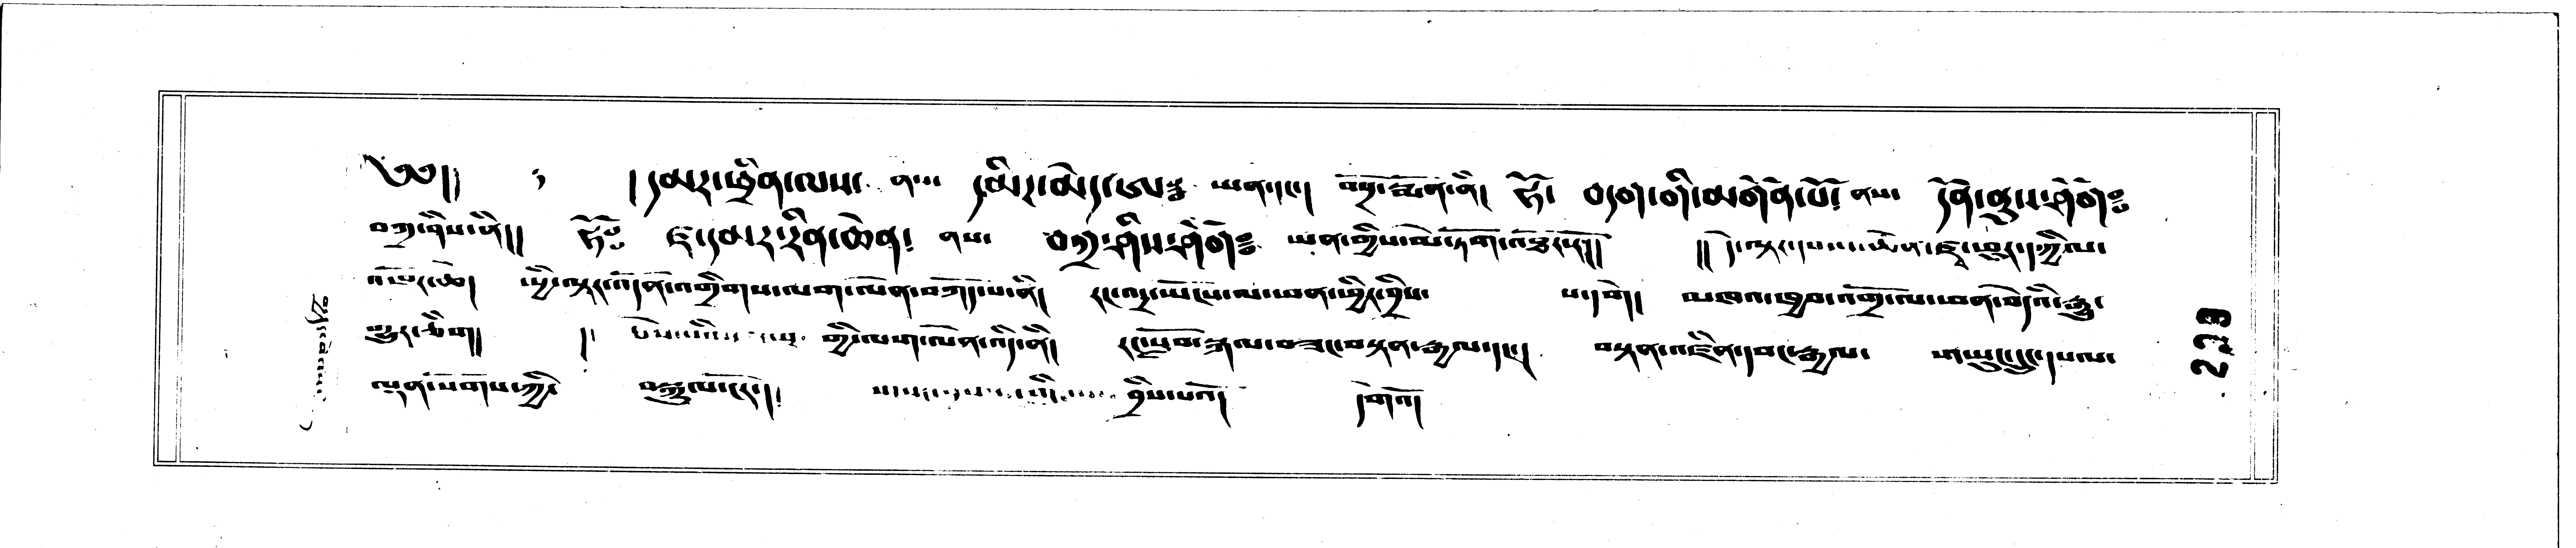དམར་འཕྲིན་ལས་ནས་དམིགས་མེད་ཨཿ ཡན་དང་། བསྔོ་སྨོན་ནི། ཧོཿ བདག་གི་མགོན་པོ་ནས་དོན་ནུས་ཤོག 
བཀྲ་ཤིས་ནི། ཧོཿ ཛྭོ་དམར་རིན་ཆེན་ནས་བཀྲ་ཤིས་ཤོགཿ ཡན་གྱིས་མེ་ཏོག་འཐོར་རོ།། དེ་ལྟར་དབལ་ཆེན་ཛྭོ་ཕུར་དཀྱིལ་
འཁོར་ཆེ། སྤྱི་ལྟར་འདོན་འགྲིག་ལག་ལེན་བཀོད་པ་ནི། རང་འདྲ་ཡོངས་ལ་ཕན་ཕྱིར་བྲིས་པ་དགེ། མཁའ་ཁྱབ་འགྲོ་ལ་ཕན་བདེའི་རྒྱུ་
གྱུར་ཅིག། ཅེས་པའི་ཛྭོ་ཕུར་གྱི་ལག་ལེན་འདི་ནི་རང་སློབ་སྐལ་བཟང་བསྟན་རྒྱལ་དང་། བསྟན་འཛིན་དབང་རྒྱལ་གཡུང་དྲུང་དཔལ་
ལྡན་སོགས་ཀྱིས་བསྐུལ་ངོར། གསང་སྔགས་གླིང་པས་བྲིས་པའོ།། །།དགེའོ། །